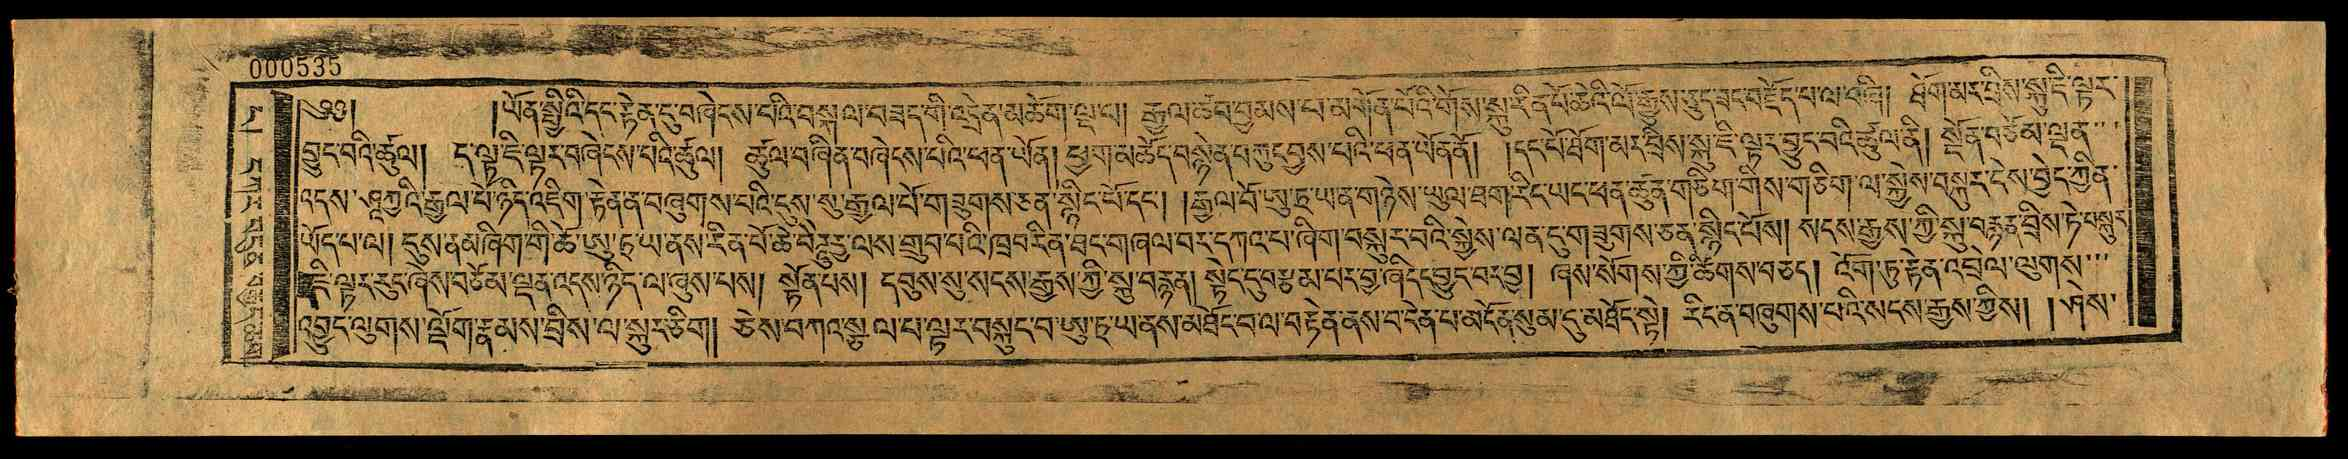༄༅། །ཡོན་སྤྱིའི་དད་རྟེན་དུ་བཞེངས་པའི་བསྐལ་བཟང་གི་འདྲེན་མཆོག་ལྔ་པ། རྒྱལ་ཚབ་བྱམས་པ་མགོན་པོའི་གོས་སྐུ་རིན་པོ་ཆེའི་ལོ་རྒྱུས་ཅུང་ཟད་བརྗོད་པ་ལ་བཞི། ཐོག་མར་བྲིས་སྐུ་ཇི་ལྟར་
བྱུང་བའི་ཚུལ། ད་ལྟ་ཇི་ལྟར་བཞེངས་པའི་ཚུལ། །ཚུལ་བཞིན་བཞེངས་པའི་ཕན་ཡོན། ཕྱག་མཆོད་བསྙེན་བཀུར་བྱས་པའི་ཕན་ཡོན་ནོ། །དང་པོ་ཐོག་མར་བྲེས་སྐུ་ཇི་ལྟར་བྱུང་བའི་ཚུལ་ནི། སྔོན་བཅོམ་ལྡན་
འདས་ཤཱཀྱའི་རྒྱལ་པོ་ཉིད་འཇིག་རྟེན་ན་བཞུགས་པའི་དུས་སུ་རྒྱལ་པོ་གཟུགས་ཅན་སྙིང་པོ་དང་། །རྒྱལ་པོ་ཨུཏྲ་ཡ་ན་གཉིས་ཡུལ་ཐག་རིང་ཡང་ཕན་ཚུན་གཅིག་གིས་གཅིག་ལ་སྐྱེས་བསྐུར་རེས་བྱེད་ཀྱིན་
ཡོད་པ་ལ། དུས་ནམ་ཞིག་གི་ཚེ་ཨུ་ཏྲ་ཡ་ནས་རིན་པོ་ཆེ་བཻདཱུརྱ་ལས་གྲུབ་པའི་ཁྲབ་རིན་ཐང་ཐལ་གཞལ་བར་དཀའ་བ་ཞིག་བསྐུར་བའི་སྐྱེས་ལན་དུ་གཟུགས་ཅན་སྙིང་པོས། སངས་རྒྱས་ཀྱི་སྐུ་བརྙན་བྲིས་ཏེ་བསྐུར་
ན་ཇི་ལྟར་རུང་ཞེས་བཅོམ་ལྡན་འདས་ཉིད་ལ་ཞུས་པས། སྟོན་པས། དབུས་སུ་སངས་རྒྱས་ཀྱི་སྐུ་བརྙན། སྟེང་དུ་བརྩམ་པར་བྱ་ཞིང་དབྱུང་བར་བྱ། ཞེས་སོགས་ཀྱི་ཚོགས་བཅད། འོག་ཏུ་རྟེན་འབྲེལ་ལུགས་
འབྱུང་ལུགས་ལྡོག་རྣམས་བྲིས་ལ་སྐུར་ཅིག། ཅེས་བཀའ་སྩལ་པ་ལྟར་བསྐུར་བ་ཨུ་ཏྲ་ཡ་ནས་མཐོང་བ་ལ་བརྟེན་ནས་བདེན་པ་མངོན་སུམ་དུ་མཐོང་སྟེ། རིང་ན་བཞུགས་པའི་སངས་རྒྱས་ཀྱིས། །ཤེས་